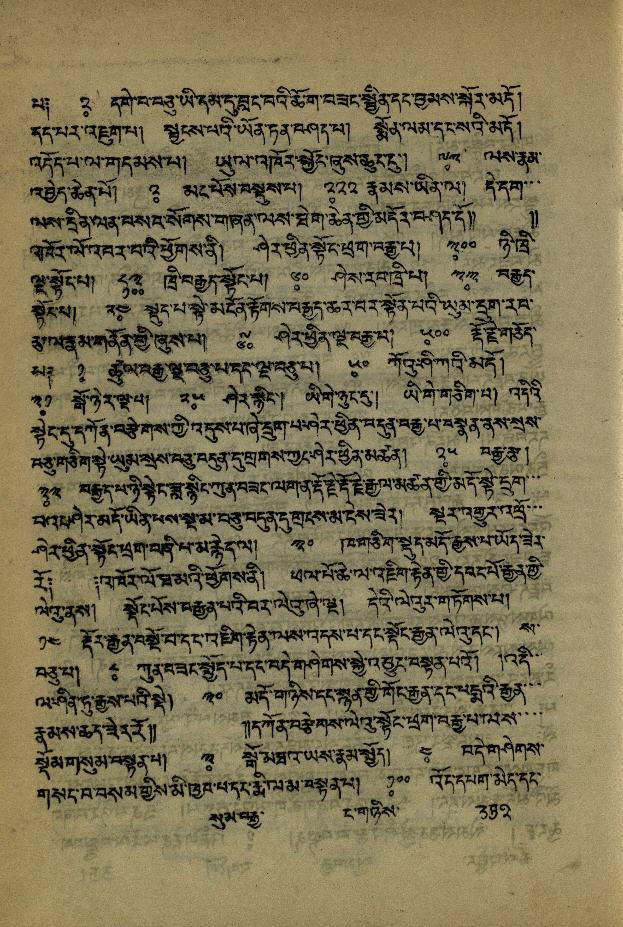པ༑ ༢་དགེ་བ་བཅུ་ཡི་དམ་དུ་བླང་པའི་ཆོ་ག་བཟང་སྦྱིན་དང་བྱམས་སྐོར་མདོ།
དད་པར་འཇུག་པ། སྦྱངས་པའི་ཡོན་ཏན་བཤད་པ། སྨོན་ལམ་དང་སའི་མདོ།
འདོད་པ་ལ་གདམས་པ། ཡུལ་འཁོར་སྐྱོང་ཞུས་ཆུང་ངུ། ༧༣་ལས་རྣམ་
འབྱེད་ཆེན་པོ། ༢་མང་པོས་བསྡུས་པ། ༢༢༢་རྣམས་ཡིན་ལ། དེ་དག་
ལས་དྲིན་ལན་བསབ་བ་སོགས་གཞན་ལས་ཐེག་ཆེན་གྱི་མདོར་བཤད་དོ།། །།
འཁོར་ལོ་འབར་བའི་ཕྱོགས་ནི། ཤེར་ཕྱིན་སྟོང་ཕྲག་བརྒྱ་པ། ༣༠༠་ཉི་ཁྲི་
ལྔ་སྟོང་པ། ༨༣༡༠༠་ཁྲི་བརྒྱད་སྟོང་པ། ༦༠་ཤེས་རབ་ཁྲི་པ། ༣༣་བརྒྱད་
སྟོང་པ། ༢༤་སྡུད་པ་སྟེ་མངོན་རྟོགས་བརྒྱད་ཆར་པར་སྟོན་པའི་ཡུམ་དྲུག་རབ་
རྩ་ལ་རྣམ་གནོན་གྱི་ཞུས་པ། ༧༦༠་ཤེར་ཕྱིན་ལྔ་བརྒྱ་པ། ༥༠༠་རྡོ་རྗེ་གཅོད་
པ༑ ༡་ཚུལ་བརྒྱ་ལྔ་བཅུ་པ་དང་ལྔ་བཅུ་པ། ༤༠་ཀོའུ་ཤི་ཀའི་མདོ།
༣༡་སྒོ་ཉེར་ལྔ་པ། ༢༥་ཤེར་སྙིང་། ཡི་གེ་ཉུང་དུ། ཡི་གེ་གཅིག་པ། འདིའི་
སྟེང་དུ་དཀོན་བརྩེགས་ཀྱི་འདུས་པ་ཞེ་དྲུག་པ་ཤེར་ཕྱིན་བདུན་བརྒྱ་པ་བསྣན་ནས་སྲས་
བཅུ་གཅིག་སྟེ་ཡུམ་སྲས་བཅུ་བདུན་དུ་གྲགས་ཀྱང་ཤེར་ཕྱིན་མཚན། ༢༥༠་བརྒྱ་རྩ།
༣༣༠་བརྒྱད་པ་ཉི་སྟེང་ཟླ་སྙིང་ཀུན་བཟང་ལག་ན་རྡོ་རྗེ་རྡོ་རྗེ་རྒྱལ་མཚན་གྱི་མདོ་སྟེ་དྲུག་
པའང་ཤེར་མདོ་ཡིན་པས་སྔ་མ་བཅུ་བདུན་དུ་གྲངས་མ་ངེས་ཟེར། སྔར་འགྱུར་འཕྲོ་
ཤེར་ཕྱིན་སྟོང་ཕྲག་བཞི་པ་མ་རྙེད་ལ། ༣༠་ཁ་གཅིག་སྡུད་མདོ་རྒྱས་པ་ཡོད་ཟེར་
རི༑ འཁོར་ལོ་ཐ་མའི་ཕྱིར་ནི། ཕལ་པོ་ཆེ་ལ་འཇིག་རྟེན་གྱི་དབང་པོ་རྒྱན་གྱི་
ལེའུ་ནས། སྡོང་པོས་བརྒྱན་པའི་བར་ལེའུ་ཞེ་ལྔ། དེའི་ལེའུར་གཏོགས་པ།
༡༤་རྡོར་རྒྱན་བསྔོ་བ་དང་འཇིག་རྟེན་ལས་འདས་པ་དང་སྡོང་རྒྱན་ལེའུ་དང་། ས་
བཅུ་པ། ༨་ཀུན་བཟང་སྤྱོད་པ་དང་བདེ་གཤེགས་སྐྱེ་འབྱུང་བསྟན་པའོ། །འདི་
ལ་ཤིན་ཏུ་རྒྱས་པའི་སྡེ། ༣༠་མདོ་གཉིས་དང་སྙན་གྱི་གོང་རྒྱན་དང་པདམའི་རྒྱན་
རྣམས་ཆད་ཟེར་རོ།། །།དཀོན་བརྩེགས་ལེའུ་སྟོང་ཕྲག་བརྒྱ་པ་ལས་
སྡོམ་གསུམ་བསྟན་པ། ༣་སྒོ་མཐའ་ཡས་རྣམས་སྤྱོད། ༤་བདེ་གཤེགས་
གསང་བ་བསམ་གྱིས་མི་ཁྱབ་པ་དང་རྨི་ལམ་བསྟན་པ། ༡༠༠་འོད་དཔག་མེད་དང་